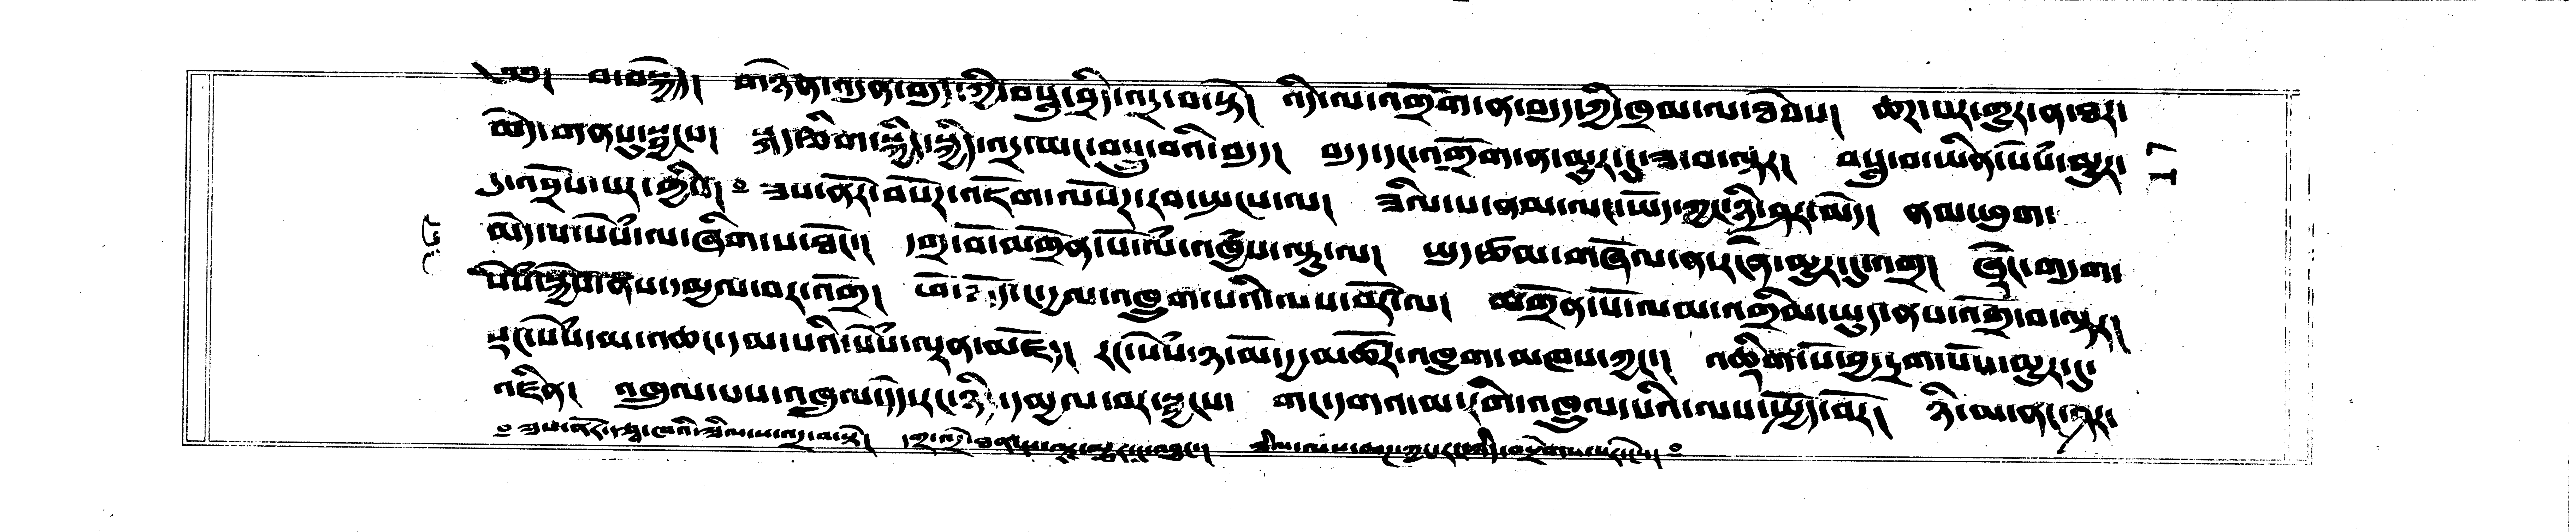བ་བསྐྱེད། གཉེན་འདུན་བདུད་ཀྱི་བསླུ་བྲིད་འདྲ་བ་སྟེ། འདི་ལ་འགྲོགས་ན་བདུད་ཀྱི་ཁྲམ་ལ་ཐེབས། ཆགས་པར་གྱུར་ན་ཐར་
མེད་གནས་སུ་སྦྱངས། སྐད་ཅིག་སྐྱིད་སྐྱིད་འདྲ་ཡང་བསླུ་བའི་བདུད། བདུད་དང་འགྲོགས་ན་མྱུར་དུ་ཟ་བ་ལྟར། བསླུ་བ་ཡིན་སེམས་མྱུར་
དུ་འབྲོས་པར་གྱིས། ཟས་ནོར་རྩྭ་ཁའི་ཟིལ་པ་འདྲ་བ་སྟེ། དགྲ་འདྲེ་ཐན་པ་ལྟ་བུ་མྱུར་དུ་འབྱུང་། ཟིལ་ལས་ཆགས་ཀྱང་རང་ཉིད་བསྲེགས་པར་ངེས། ཟས་ནོར་གསོག་འཇོག་ལ་སོགས་རབ་སྤངས་ལ། ཟིལ་པ་ནམ་ཡང་ཡོད་ཀྱང་ཉི་ཤར་མེད། ནམ་ཕུག་
མེད་པ་སེམས་ལ་ཞིག་པ་ཐོངས། དགྲ་བོ་མགྲོན་པོ་ལམ་འཁྱམས་ལྟ་བུ་ལ། ཡུད་ཙམ་གཞོལ་ན་རང་བཞིན་མྱུར་དུ་འགྲོ། ཞེ་སྡང་གདུག་
སེམས་སྐྱེས་ན་དམྱལ་བར་འགྲོ། ཕོ་རྒོད་ང་རྒྱལ་འཁྲུགས་པའི་ལས་བོར་ལ། མགྲོན་པོ་ལམ་འགྲིམས་ཡུད་ནས་འགྲོ་བ་ལྟར། 
སྡང་སེམས་མ་འཆང་དམ་པའི་སེམས་ལྡན་མཛོད། རང་སེམས་ཉ་མོ་རྒྱ་མཚོར་འཁྱུག་མཁས་ཀྱང་། འཆི་བདག་སོ་བྱ་དྲག་པོས་མྱུར་དུ་
འཛིན། འཁྲུལ་པས་འཁྲུལ་དེད་རང་ཉིད་དམྱལ་བར་སྦྱངས། གང་དགའ་མ་རིག་འཁྲུལ་པའི་ལས་སྤྱོད་བོར། ཉི་མ་ནང་ཤར་